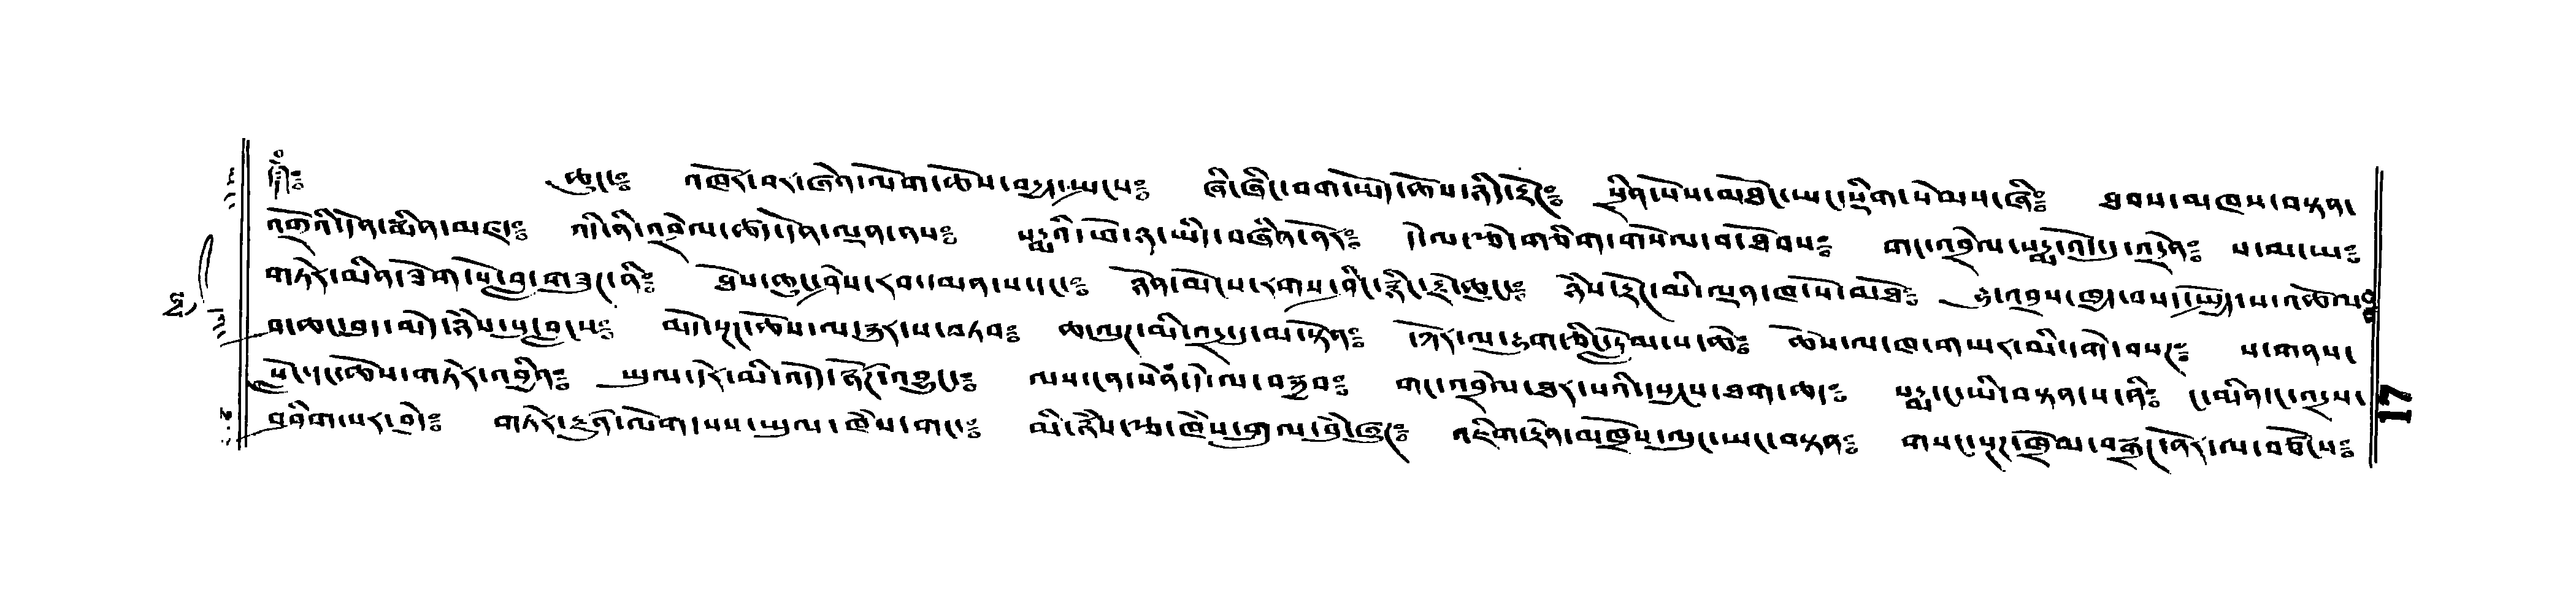ཆུང༔ འཁོར་བར་ཞེན་ལོག་ཆོས་བརྒྱད་སྤངས༔ ཞི་ཞིང་བག་ཡོད་ཆོས་ཉིད་རྟོགས༔ སྲིན་པོས་མཐོང་ཡང་སྡིག་སེམས་ཞི༔ ཐབས་མཁས་བསྟན་
འགྲོའི་དོན་སྨིན་མཛད༔ འདི་ནི་འབྲེལ་ཚད་དོན་ལྡན་ནས༔ པདྨའི་ཕོ་ཉ་ཡིད་བཞིན་ནོར༔ དེ་ལ་རྩེ་གཅིག་གསོལ་བ་ཐོབས༔ གང་འབྲེལ་པདྨ་འོད་དུ་འདྲེན༔ ས་མ་ཡ༔ 
གཏེར་མིན་ཟོག་པོ་བླ་གཟུགས་ནི༔ ཐོས་ཆུང་ཤེས་རབ་དམན་པ་དང༔ ཉོན་མོངས་རགས་ཤིང་སྙིང་རྗེ་ཆུང༔ ཉམས་རྟོགས་མི་ལྡན་ཁ་པོ་མཐོ༔ རྒྱུ་འབྲས་ཁྱད་བསད་སྤྱོད་པ་འཆོལ༔ 
ཤ་ཆང་བུད་མེད་ཉམས་སུ་བླང༔ མདོ་སྔགས་ཆོས་ལ་སྐུར་པ་འདེབས༔ ཆ་ལུགས་མི་འདྲ་དུ་མ་སྟོན༔ དཀོར་ལ་རྒྱུག་ཅིང་རློམ་པ་ཆེ༔ ཆོས་ལ་ཁ་གཡར་མི་དགེ་བསག༔ ས་གནས་
སློང་དང་ཆོས་གཏེར་འབྱིན༔ ཡུལ་དེར་མི་འདོད་སྣ་ཚོགས་འབྱུང༔ ལས་ངན་སེམས་ཅན་དེ་ལ་བསྐྱབ༔ གང་འབྲེལ་ཐར་པའི་དཔྱངས་ཐག་ཆད༔ པདྨ་ང་ཡི་བསྟན་པ་ནི༔ ང་མིན་ང་འདྲས་
བཤིག་པར་བྱེད༔ གཏེར་རྫུན་ལོག་པས་ཡུལ་ཁམས་གང༔ མི་རྣམས་རྩ་ཁམས་གྲུལ་བུམ་ཞུགས༔འཇིག་རྟེན་མཁའ་འགྲོས་ལུང་ཡང་བསྟན༔ གསང་སྔགས་ཁྲོམ་བསྒྲག་ནོར་ལ་བཙོང༔